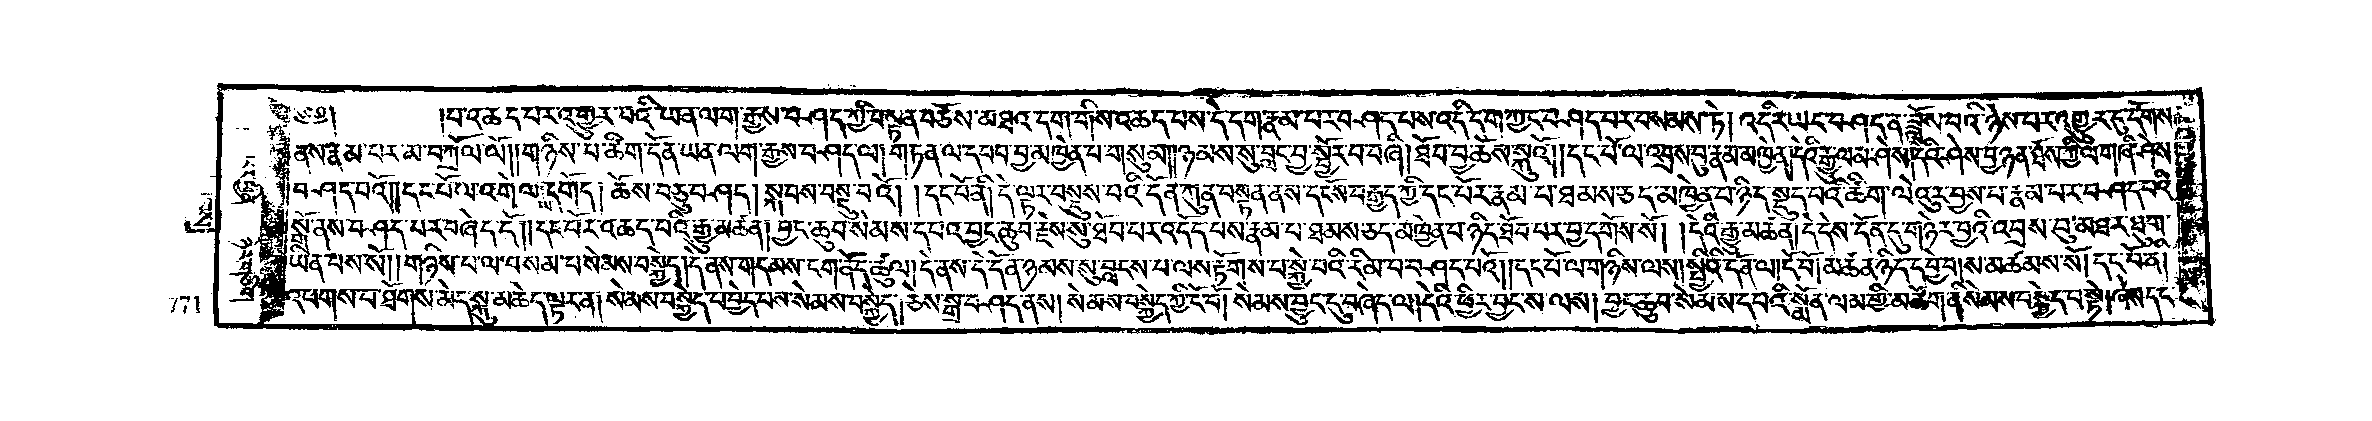༄༅། །པ་འཆད་པར་འགྱུར་བའི་ཡན་ལག་རྒྱས་བཤད་ཀྱི་བསྟན་བཅོས་མཐའ་དག་གིས་འཆད་པས་དེ་དག་རྣམ་པར་བཤད་པས་འདི་དག་ཀྱང་བཤད་པར་བསམས་ཏེ། འདིར་ཡང་བཤད་ན་ཟློས་བའི་ཉེས་པར་འགྱུར་དུ་དོགས་
ནས་རྣམ་པར་མ་བཀྲོལ་ལོ། །གཉིས་པ་ཚིག་དོན་ཡན་ལག་རྒྱས་བཤད་ལ། གཏན་ལ་དབབ་བྱ་མཁྱེན་པ་གསུམ། །ཉམས་སུ་བླང་བྱ་སྦྱོར་བ་བཞི། ཐོབ་བྱ་ཆོས་སྐུའོ། །དང་པོ་ལ་འབྲས་བུ་རྣམ་མཁྱེན། དེའི་རྒྱུ་ལམ་ཤེས། དེའི་ཤེས་བྱ་ཉན་ཐོས་ཀྱི་ལ་གཞི་ཤེས་
བཤད་པའོ། །དང་པོ་ལ་འགེལ་ཡ་དགོད། ཆོས་བཅུ་བཤད། སྐབས་བསྡུ་བའོ། །དང་པོ་ནི། དེ་ལྟར་བསྡུས་པའི་དོན་ཀུན་བསྟན་ནས་དངོས་བརྒྱད་ཀྱི་དང་པོར་རྣམ་པ་ཐམས་ཅད་མཁྱེན་པ་ཉིད་སྡུད་པའི་ཚིག་ལེའུར་བཡས་པ་རྣམ་པར་བཤད་པའི་
སྒོ་ནས་བཤད་པར་བཞེད་དོ། །དང་པོར་འཆད་པའི་རྒྱུ་མཚན། བྱང་ཆུབ་སེམས་དཔའ་བྱང་ཆུབ་རྗེས་སུ་ཐོབ་པར་འདོད་པས་རྣམ་པ་ཐམས་ཅད་མཁྱེན་པ་ཉིད་ཐོབ་པར་བྱ་དགོས་སོ། །དེའི་རྒྱུ་མཚན། དེ་དེས་དོན་དུ་གཉེར་བྱའི་འབྲས་བུ་མཐར་ཐུག་
ཡིན་པས་སོ། །གཉིས་པ་ལ་བསམ་པ་སེམས་བསྐྱེད། དེ་ནས་གདམས་ངག་ནོད་ཚུལ། དེ་ནས་དེ་དོན་ཉམས་སུ་བླངས་པ་ལས་རྟོགས་པ་སྐྱེ་བའི་རིམ་པ་བཤད་པའོ། །དང་པོ་ལ་གཉིས་ལས། སྤྱིའི་དོན་ལ། ངོ་བོ། མཚན་ཉིད་དབྱེ་བ། ས་མཚམས་སོ། དང་པོ་ནི།
འཕགས་པ་ཐོགས་མེད་སྐུ་མཆེད་ལྟར་ན། སེམས་བསྐྱེད་པ་བྱེད་པས་སེམས་བསྐྱེད། ཅེས་སྒྲ་བཤད་ནས། སེམས་བསྐྱེད་ཀྱི་ངོ་བོ། སེམས་བྱུང་དུ་བཞེད་ལ། དེའི་ཕྱིར་བྱང་ས་ལས། བྱང་ཆུབ་སེམས་དཔའི་སྨོན་ལམ་གྱི་མཆོག་ནི་སེམས་བསྐྱེད་པ་སྟེ། ཞེས་དང་